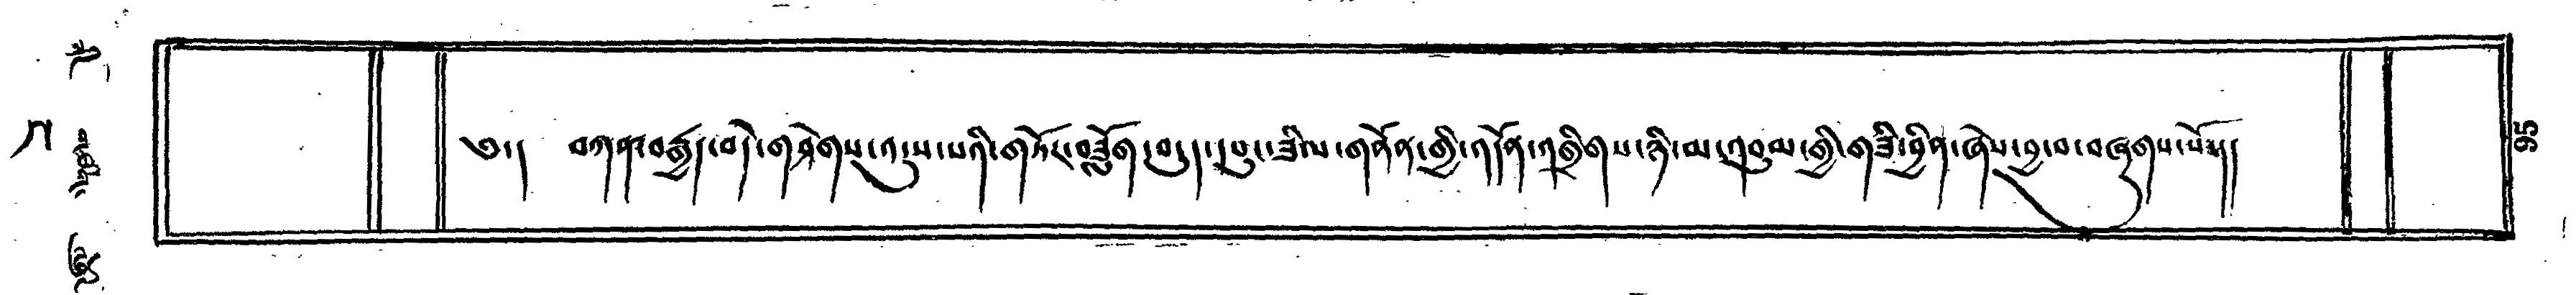༄༅། བཀའ་བརྒྱད་བདེ་གཤེགས་འདུས་པའི་གཏོར་ཟློག་བདུད་དཔུང་ཟིལ་གནོན་གྱི་འདོན་འགྲིགས་ཉི་མ་འབུམ་གྱི་གཟི་བྱིན་ཞེས་བྱ་བ་བཞུགས་སོ།